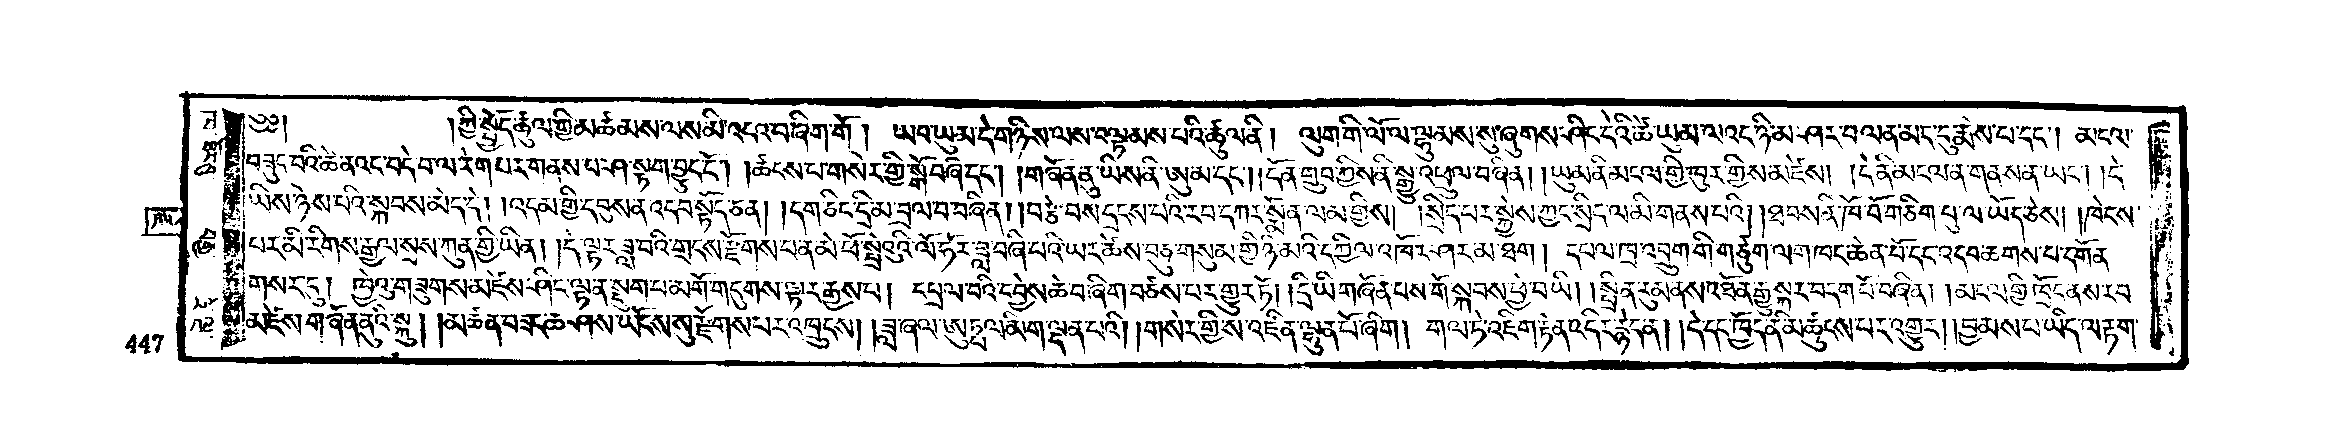༄༅། །ཀྱི་སྤྱོད་ཚུལ་གྱི་མཚམས་ལས་མི་འདའ་བ་ཞིག་གོ །ཡབ་ཡུམ་དེ་གཉིས་ལས་བལྟམས་པའི་ཚུལ་ནི། ལུག་གི་ལོ་ལ་ལྷུམས་སུ་ཞུགས་ཤིང་དེའི་ཆེ་ཡུམ་ལ་འང་ཉི་མ་ཤར་བ་ལན་མང་དུ་རྨིས་པ་དང་། མངལ་
བཟུང་བའི་ཚེ་ནའང་བདེ་བ་ལ་རེག་པར་གནས་པ་ཤ་སྟག་བྱུང་ངོ། །ཚངས་པ་གསེར་གྱི་སྒོ་བཞི་དང་། །གཞོན་ནུ་ཡིས་ནི་ཨུ་མ་དང་། །དོན་གྲུབ་ཀྱིས་ནི་སྒྱུ་འཕྲུལ་བཞིན། །ཡུམ་ནི་མངལ་གྱི་ཁུར་གྱིས་མཛེས། །དེ་ནི་མངལ་ན་གནས་ན་ཡང་། །དེ་
ཡིས་ཉེས་པའི་སྐབས་མེད་དེ། །འདམ་གྱི་དབུས་ན་འདབ་སྟོང་ཅན། །དག་ཅིང་དྲི་མ་བྲལ་བ་བཞིན། །བརྩེ་བས་དྲངས་པའི་རབ་དཀར་སྨོན་ལམ་གྱིས། །སྲིད་པར་སྐྱེས་ཀྱང་སྲིད་ལ་མི་གནས་པའི། །ཐབས་ནི་ཁོ་བོ་གཅིག་པུ་ལ་ཡོད་ཅེས། །ཁེངས་
པར་མི་རིགས་རྒྱལ་སྲས་ཀུན་གྱི་ཡིན། །དེ་ལྟར་ཟླ་བའི་གྲངས་རྫོགས་པ་ན་མེ་ཕེ་སྤྲེའུའི་ལོ་ཧོར་ཟླ་བཞི་པའི་ཡར་ཚེས་བཅུ་གསུམ་གྱི་ཉི་མའི་དཀྱིལ་འཁོར་ཤར་མ་ཐག །དཔལ་ཁྲ་འབྲུག་གི་གཙུག་ལག་ཁང་ཆེན་པོ་དང་འདབ་ཆགས་པ་དགོན་
གསར་དུ། ཁྱེའུ་གཟུགས་མཛེས་ཤིང་ལྟ་ན་སྡུག་པ་མགོ་གདུགས་ལྟར་རྒྱས་པ། དཔྲལ་བའི་དབྱེས་ཆེ་བ་ཞིག་བཙས་པར་གྱུར་ཏོ། །དྲི་ཡི་གཞོན་པས་གོ་སྐབས་ཕྱེ་བ་ཡི། །སྤྲིན་རུམ་ནས་འཐོན་རྒྱུ་སྐར་བདག་པོ་བཞིན། །མངལ་གྱི་ཁྲེད་ནས་རབ་
མཛེས་གཞོན་ནུའི་སྐུ། །མཚན་བཟང་ཆ་ཤས་ཡོངས་སུ་རྫོགས་པར་འཁྲུངས། །ཟླ་ཞལ་ཨུཏྤལ་མིག་ལྡན་པའི། །གསེར་གྱི་ས་འཛིན་ལྷུན་པོ་ཞིག། གལ་ཏེ་འཇིག་རྟེན་འདིར་རྙེད་ན། །དེ་དང་ཁྱོད་ནི་མཚུངས་པར་འགྱུར། །བྱམས་པ་ཡིད་ལ་རྟག་